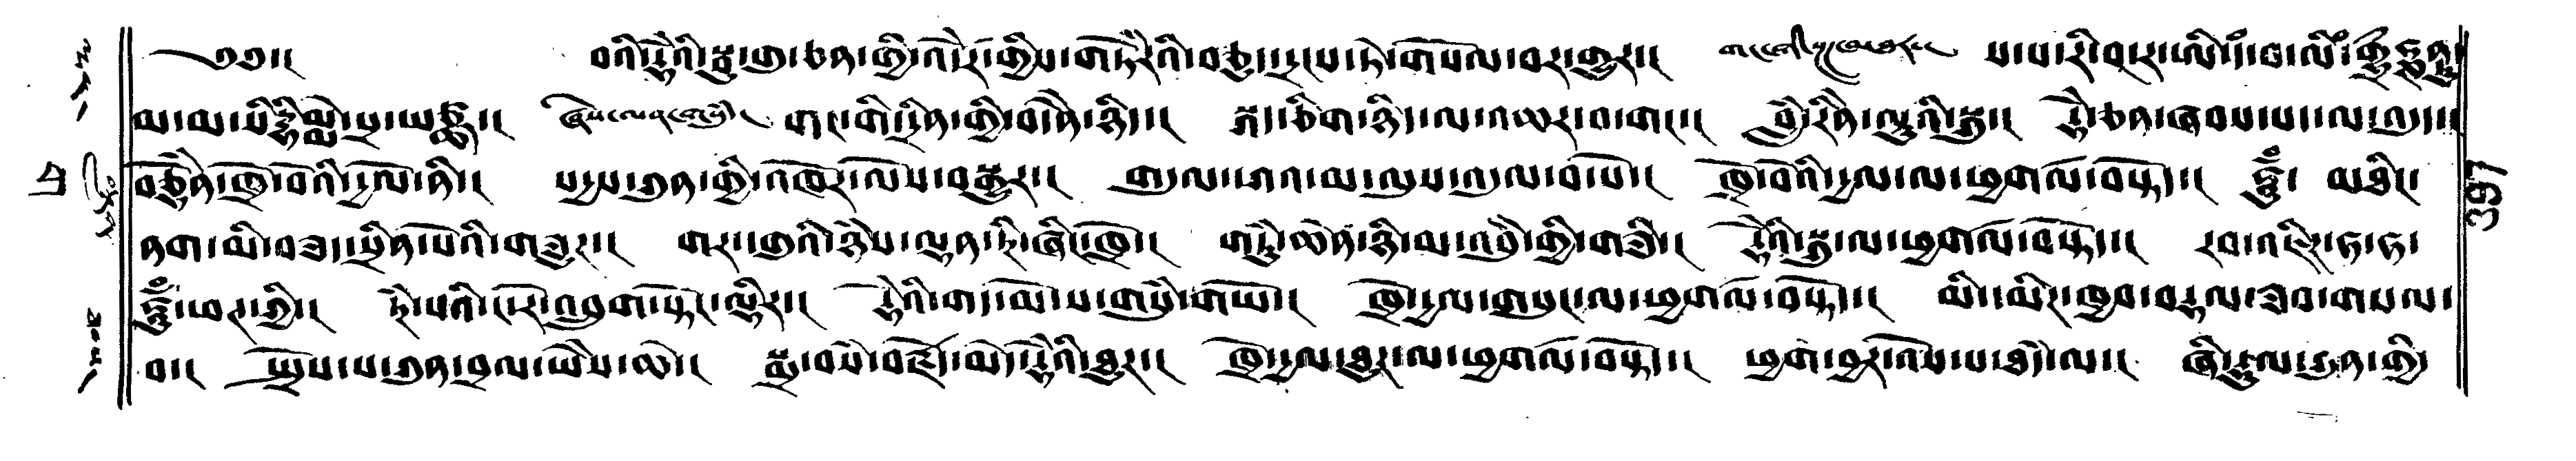བའི་རྡོ་རྗེའི་སྦུ་གུ་ཅན་གྱི་འོས་ཟེར་གྱིས་གཏོར་མའི་བཅུད་དྲངས་ཏེ་གསོལ་བར་གྱུར། གོང་གི་སྔགས་མཐར། ས་པ་རི་བཱ་ར་ཨི་དམ་བ་ལིཾ་གྷྲྀཧྞནྟུ་
མ་མ་སིདྡྷི་མྨེ་པྲ་ཡཙྪ། ཞེས་ལན་གསུམ། གང་གི་དྲིན་གྱི་བདེ་ཆེན་ཉིད། །སྐད་ཅིག་ཉིད་ལ་འཆར་བ་གང་། །བླ་མ་རིན་ཆེན་ལྟ་བུའི་སྐུ། །རྡོ་རྗེ་ཅན་ཞབས་པད་ལ་འདུད། །
བཅོམ་ལྡན་ཁྲོ་བོའི་རྒྱལ་པོ་ནི། །སངས་རྒྱས་ཀུན་གྱི་འཁོར་ལོས་བསྒྱུར། །གདུལ་དཀའ་མ་ལུས་འདུལ་བ་པོ། ཁྲོ་བོའི་རྒྱལ་ལ་ཕྱག་འཚལ་བསྟོད། ཧཱུྃ། མཐིང་
ནག་མི་བཟད་སྲིན་པོའི་གཟུགས། །གར་དགུའི་ཉམས་ལྡན་རྔམ་ཞིང་ཁྲོ། །གཏུམ་ཆེན་ཉི་མ་འབུམ་གྱི་གཟི། །རྡོ་རྗེའི་སྐུ་ལ་ཕྱག་འཚལ་བསྟོད། །རབ་འཇིགས་ཧ་ཧ་
ཧཱུྂ་ཕཊ་ཀྱི། །རྔམ་པའི་ང་རོ་འབྲུག་སྟོང་ལྡིར། །རྡོ་རྗེའི་གད་མོ་ས་གསུམ་གཡོ། ཁྲོ་རྒྱལ་གསུང་ལ་ཕྱག་འཚལ་བསྟོད། །མི་དམིགས་ཁྱབ་བརྡལ་ཟབ་གསལ་
བ། །སྤྲོས་པ་ཀུན་བྲལ་ཡེ་ཤེས་ཆེ། །སྨྲ་བསམ་བརྗོད་མེད་རྡོ་རྗེའི་ཐུགས། ཁྲོ་རྒྱལ་ཐུགས་ལ་ཕྱག་འཚལ་བསྟོད། །ཕྱག་བྱར་འོས་པ་ཐམས་ཅད་ལ། ཞིང་རྡུལ་ཀུན་གྱི་